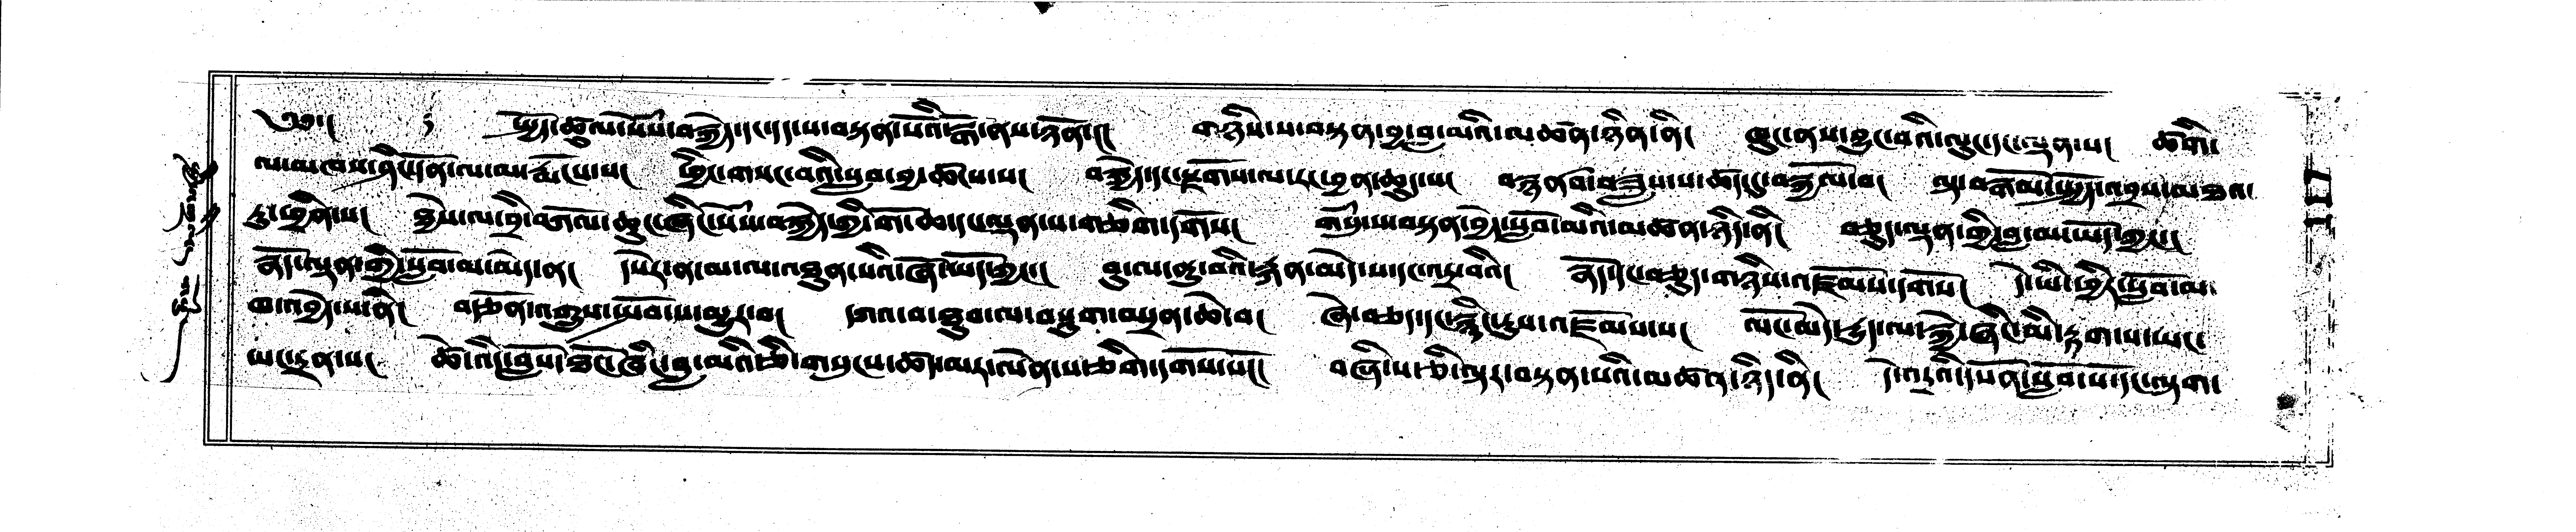སྤྱོད་ཚུལ་སེམས་བསྐྱེད་དང་དད་པ་བརྟན་པོའི་སྒོ་ནས་ཉོན། གཉིས་པ་བསྟེན་བྱ་བླ་མའི་མཚན་ཉིད་ནི། ཁུངས་ནས་བྱུང་བའི་ལུང་དང་ལྡན་པ། ཚིག་
ལ་མཁས་ཤིང་དོན་ལ་རྨོངས་པ། ཕྱི་ནང་གསང་བའི་བསླབ་བྱ་ཚང་བ། བསྐྱེད་དང་རྫོགས་པ་རང་བྱན་ཆུད་པ། བསྙེན་འཛབ་བཟླས་པ་ཚད་དུ་བསྐྱོལ་བ། ལྟ་སྒོམ་སྤྱོད་འབྲས་མཐའ་
རུ་ཕྱིན་པ། ཐུགས་རྗེ་ལ་བྲི་བཀོལ་ཆུང་ཞིང་སེམས་བསྐྱེད་ཀྱི་གོ་ཆ་དང་ལྡན་པ་གཅིག་དགོས། །གསུམ་པ་སྟེན་བྱེད་སློབ་མའི་མཚན་ཉིད་ནི། བཅུད་ལྡན་གྱི་བླ་མ་ཡོད་ཀྱང་། 
སྣོད་ལྡན་གྱི་སློབ་མ་མེད་ན། དཔེར་ན་མ་ལ་མཐུན་པའི་ཞོ་ཡོད་ཀྱང་། བུ་ལ་ནུ་བའི་རྐན་མེད་པ་དང་འདྲ་བའི། སྣོད་དང་བཅུད་གཉིས་འཛོམས་དགོས། དེ་ཡི་ཕྱིར་སློབ་མ་
ཁ་འབྱེད་པ་ནི། བརྩོན་འགྲུས་སྤོབས་པ་མྱུར་བ། དཀའ་བ་ཐུབ་ལ་སྡུག་བསྲན་ཆེ་བ། ཞེ་བཅད་དང་སྙིང་རུས་འཛོམས་པ། ལོང་མེད་རྒྱུད་ལ་སྐྱེ་ཞིང་མི་རྟག་ལ་ཡང་
ཡང་དྲན་པ། ཚེ་འདི་བློས་ཐོངས་ཤིང་བླ་མའི་ཅི་གསུང་ཚད་མར་ལེན་པ་ཅིག་དགོས་སོ། །བཞི་པ་ཅི་ལྟར་བསྟན་པ་མཚན་ཉིད་ནི། དེ་འདྲའི་དཔོན་སློབ་སོ་དང་ལྟག་